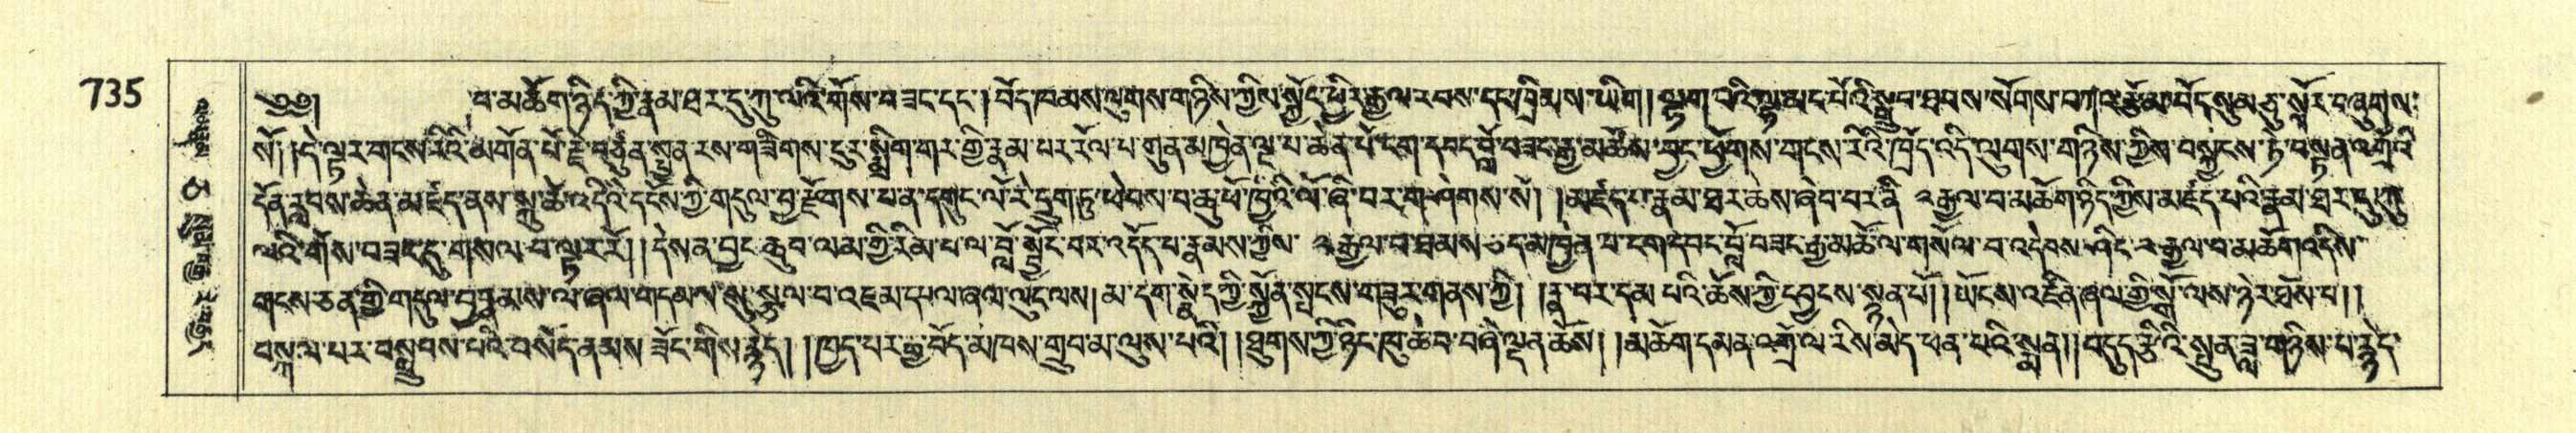༄༅། །བ་མཆོག་ཉིད་ཀྱི་རྣམ་ཐར་དུ་ཀུ་ལའི་གོས་བཟང་དང་། བོད་ཁམས་ལུགས་གཉིས་ཀྱིས་སྐྱོང་ཕྱིར་རྒྱལ་རབས་དང་ཁྲིམས་ཡིག། ལྷག་པའི་ལྷ་མང་པོའི་སྒྲུབ་ཐབས་སོགས་བཀའ་རྩོམ་བོད་སུམ་ཅུ་སྐོར་བཞུགས་
སོ༑ ༑དེ་ལྟར་གངས་རིའི་མགོན་པོ་རྗེ་བཙུན་སྤྱན་རས་གཟིགས་ངུར་སྨྲིག་གར་གྱི་རྣམ་པར་རོལ་པ་གུན་མཁྐྱེན་ལྔ་པ་ཆེན་པོ་ངང་དབང་བློ་བཟང་རྒྱ་མཚོས་བྱང་ཕྱོགས་གངས་རིའི་ཁྲོད་འདི་ལུགས་གཉིས་ཀྱིས་བསྐྱངས་ཏེ་བསྟན་འགྲོའི་
དོན་རླབས་ཆེན་མཛད་ནས་སྐུ་ཚེ་འདིའི་དངོས་ཀྱི་གདུལ་བྱ་རྫོགས་པ་ན་དུང་ལོ་རེ་དྲུག་ཏུ་ཕེབས་བ་ཆུ་ཕོ་ཁྱིའི་ལོ་ཞི་བར་གཤེགས་སོ། །མཛད་པ་རྣམ་ཐར་ཆེས་ཞིབ་པར་ནི་༧་རྒྱལ་བ་མཆོག་ཉིད་ཀྱིས་མཛད་པའི་རྣམ་ཐར་དུ་ཀུ་
ལའི་གོས་བཟང་དུ་གསལ་བ་ལྟར་རོ། །དེས་ན་བྱང་ཆུབ་ལམ་གྱི་རིམ་པ་ལ་བློ་སྦྱོང་བར་འདོད་པ་རྣམས་ཀྱིས་༧་རྒྱལ་བ་ཐམས་ཅད་མཁྱེན་པ་ངག་དབང་བློ་བཟང་རྒྱ་མཚོ་ལ་གསོལ་བ་འདེབས་ཤིང་༧་རྒྱལ་བ་མཆོག་འདིས་
གངས་ཅན་གྱི་གདུལ་བྱ་རྣམས་ལ་ཞལ་གདམས་སུ་སྩལ་བ་འཇམ་དཔལ་ཞལ་ལུང་ལས། མ་དག་སྣེད་ཀྱི་སྐྱོན་སྤངས་གཟུར་གནས་ཀྱི། །རྣ་བར་དམ་པའི་ཆོས་ཀྱི་དབྱངས་སྙན་པོ། །ཡོངས་འཛིན་ཞལ་གྱི་སྒོ་ལས་ཉེར་ཐོས་པ། །
བསྐལ་པར་བསྒྲུབས་པའི་བསོད་ནམས་ཟོང་གིས་རྙེད། །ཁྱད་པར་རྒྱ་བོད་མཁས་གྲུབ་མ་ལུས་པའི། །ཐུགས་ཀྱི་ཉིང་ཁུ་ཆེ་བ་བཞི་ལྡན་ཆོས། །མཆོག་དམན་འགྲོ་ལ་རིས་མེད་ཕན་པའི་སྨན། །བདུད་རྩིའི་སྤུན་ཟླ་གཉིས་པ་རྙེད་